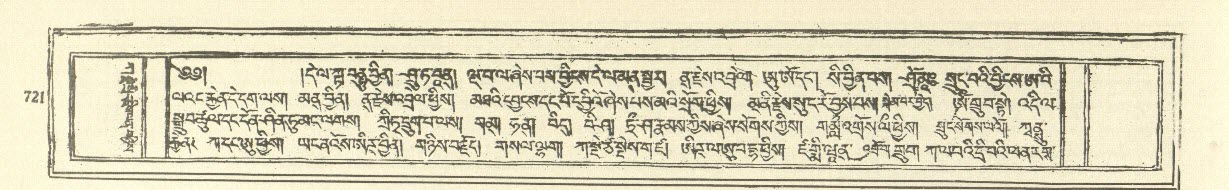༄༅། །དེ་ལ་ཀྟ་བནྟུ་བྱིན། ཤྲུ་ཏ་བཱན། ལྔ་བ་ལ་ཞེས་པས་བྱིངས་དེ་ལ་མར་སྦྱར། ན་རྗེས་འབྲེལ། །སུ་ཨོ་དང་། སི་བྱིན་པས། ཤྲོ་མཱཿ སྲུང་བའི་བྱིངས་ཨ་བི་
ལའང་རྐྱེན་དེ་དག་ལས། མན་བྱིན། ནུ་རྗེས་འབྲེལ་ཕྱིས། མཐའི་དབྱངས་དང་པོ་དབྱིའོ་ཞེས་པས་མའི་སྲོག་ཕྱིས། མ་ནི་རྗེས་སུང་རོ་བྱས་པས། སྐོམ་པར་བྱེད། །ཨོཾ་གྲུབ་སྟེ། འདི་ལ་
སྒྲུབ་ཚུལ་དང་དོན་ཤིན་ཏུ་མང་ལགས། ཀྲི་ཏ་དྲུག་པ་ལས། གམ། ཧན། བིད། བི་ཤ། ཏྲྀ་ཤ་རྣམས་ཀྱིས་ཞེས་སོགས་ཀྱིས། གམླྀ་འགྲོས་ལྀ་ཕྱིས། སྲུང་སོགས་ལའོ། །ཀྲནྶུ་
རྐྱེན། ཀ་དང་ཨུ་ཕྱིས། ཡང་ནའོས་ཨིཌ་བྱིན། གཉིས་བརྗོད། གསལ་ལྷག །ཀ་སྡེ་ཙ་སྡེས་གཛ། ཨིཌ་ལ་ཨུ་པ་དྷ་ཕྱིས། ཛགྨི་ཝཱ་ན་འབྲོག་གྲུབ། ཀ་ལ་བའི་དྲི་ལན་རགས་